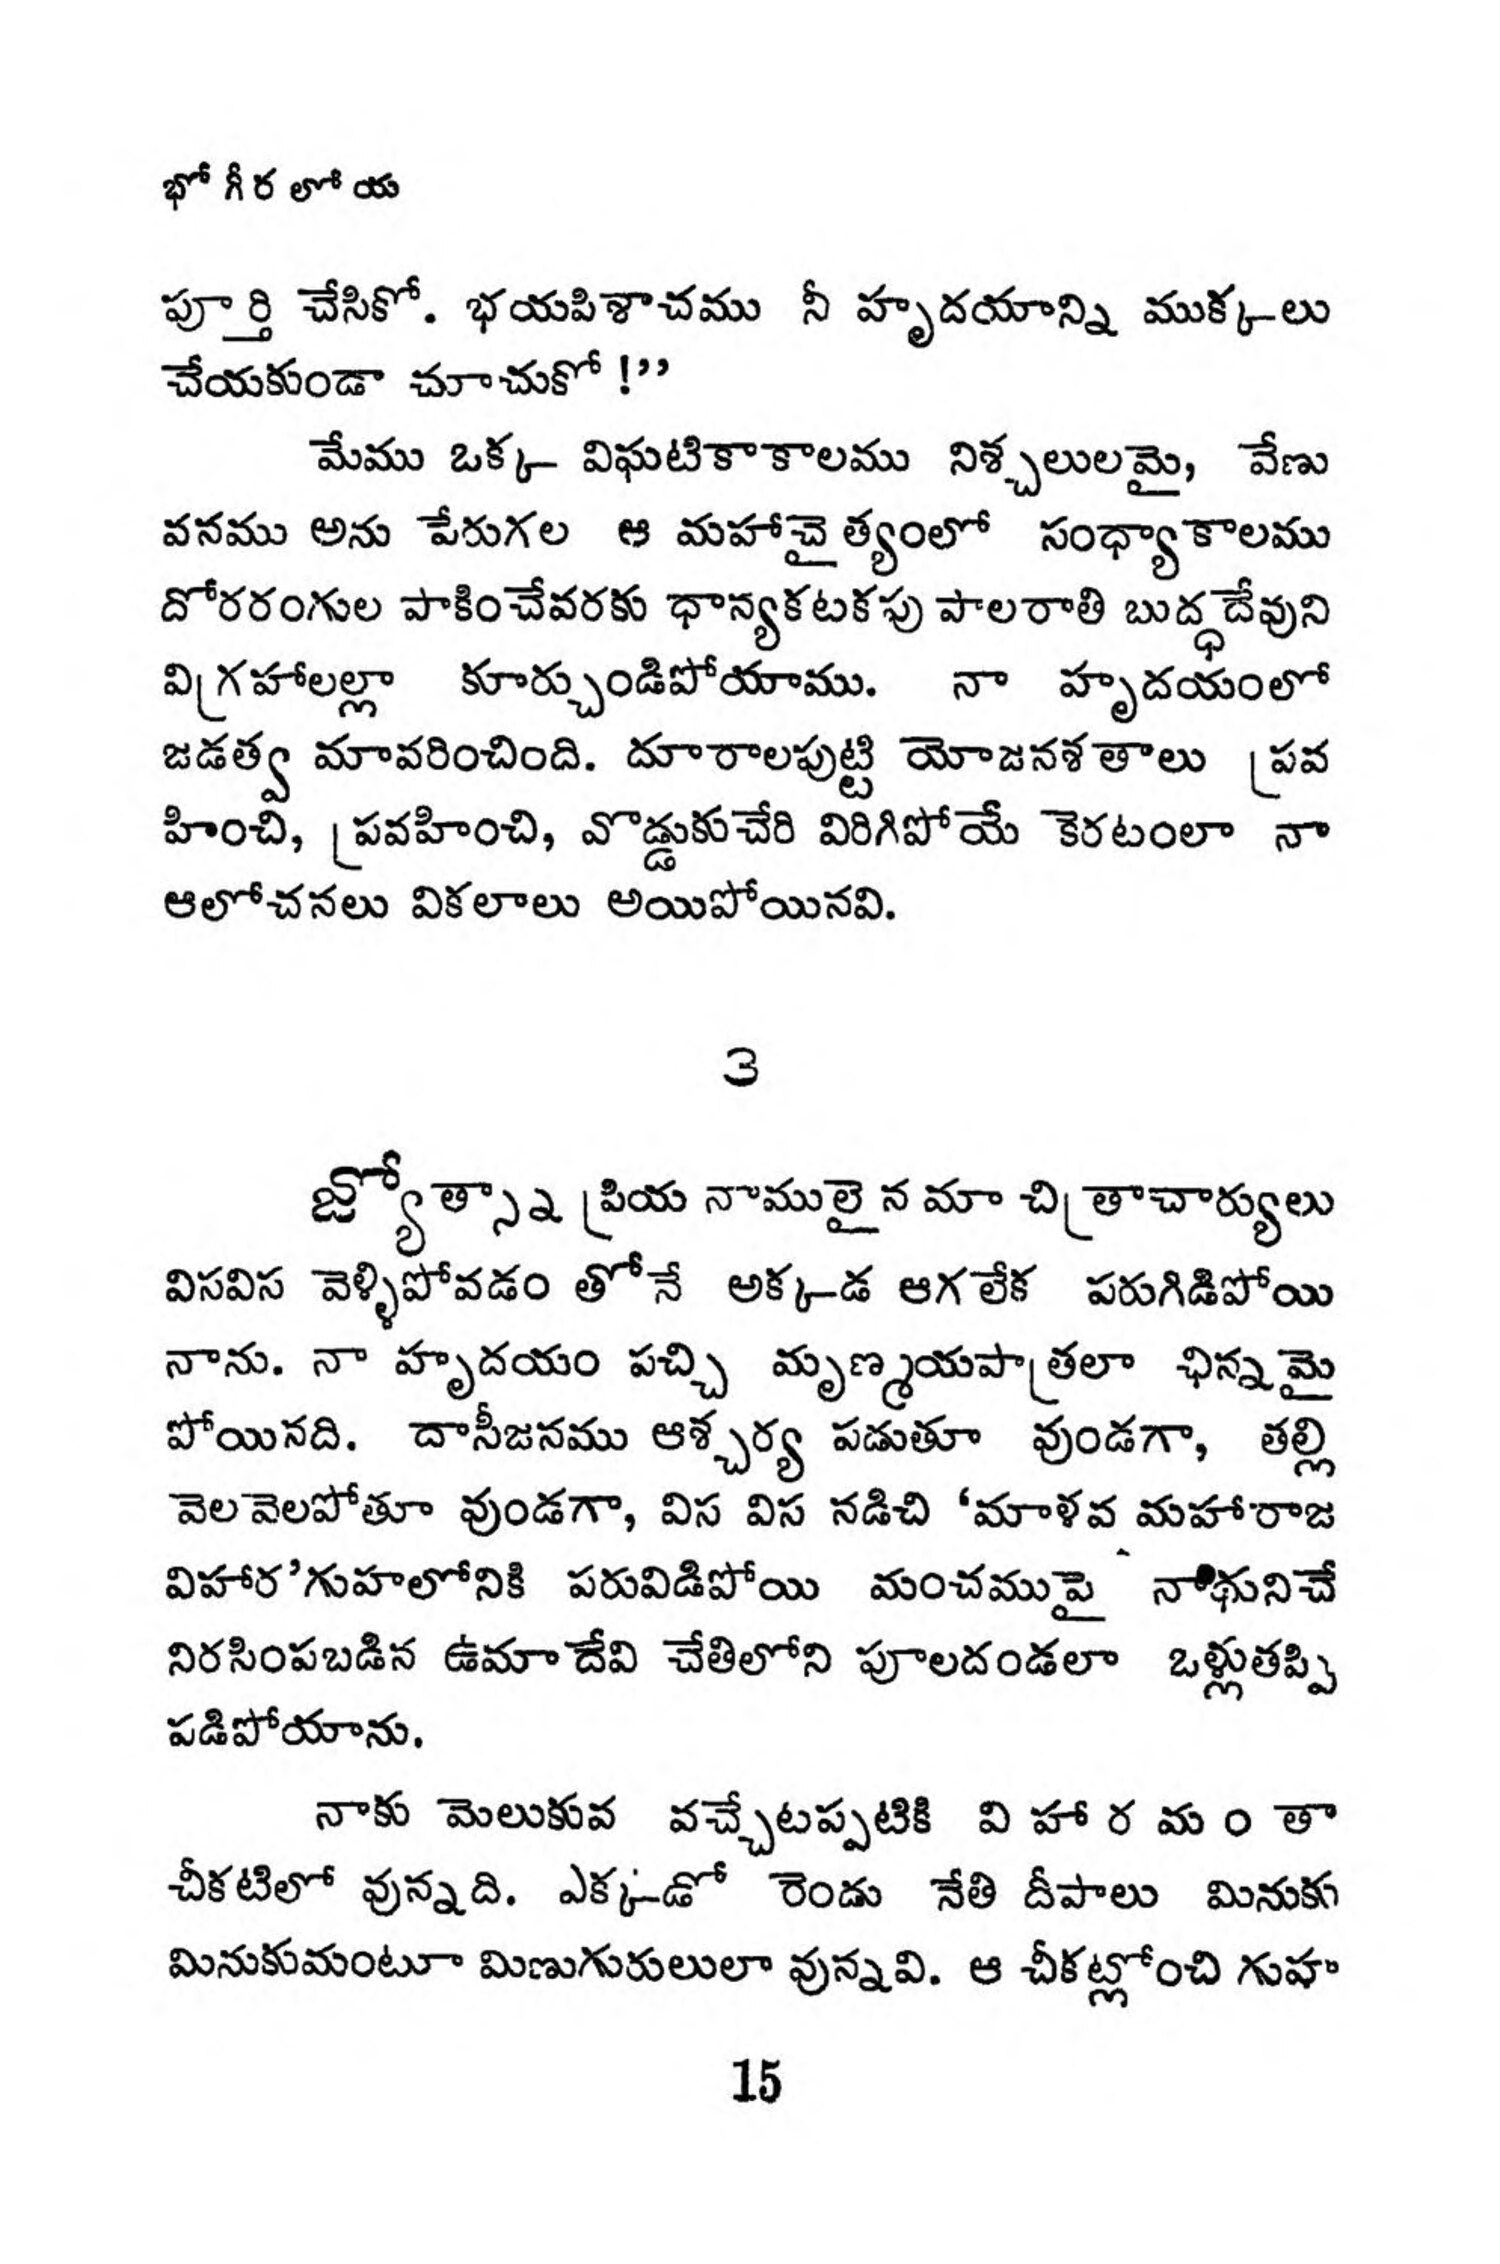పూర్తి చేసికో. భయపిశాచము నీ హృదయాన్ని ముక్కలు చేయకుండా చూచుకో!”

మేము ఒక్క విఘటికాకాలము నిశ్చలులమై, వేణు వనము అను పేరుగల ఆ మహాచైత్యంలో సంధ్యాకాలము దోరరంగుల పాకించేవరకు ధాన్యకటకపు పాలరాతి బుద్ధదేవుని విగ్రహాలల్లా కూర్చుండిపోయాము. నా హృదయంలో జడత్వ మావరించింది. దూరాలపుట్టి యోజనశతాలు ప్రవహించి, ప్రవహించి, వొడ్డుకుచేరి విరిగిపోయే కెరటంలా నా ఆలోచనలు వికలాలు అయిపోయినవి.

జ్యోత్స్నాప్రియ నాములైన మా చిత్రాచార్యులు విసవిస వెళ్ళిపోవడం తోనే అక్కడ ఆగలేక పరుగిడిపోయినాను. నా హృదయం పచ్చి మృణ్మయపాత్రలా ఛిన్నమై పోయినది. దాసీజనము ఆశ్చర్య పడుతూ వుండగా, తల్లి వెల వెలపోతూ వుండగా, విస విస నడిచి ‘మాళవ మహారాజ విహార’గుహలోనికి పరువిడిపోయి మంచముపై నాథునిచే నిరసింపబడిన ఉమాదేవి చేతిలోని పూలదండలా ఒళ్లుతప్పి పడిపోయాను.

నాకు మెలుకువ వచ్చేటప్పటికి విహారమంతా చీకటిలో వున్నది. ఎక్కడో రెండు నేతి దీపాలు మినుకు మినుకుమంటూ మిణుగురులులా వున్నవి. ఆ చీకట్లోంచి గుహ